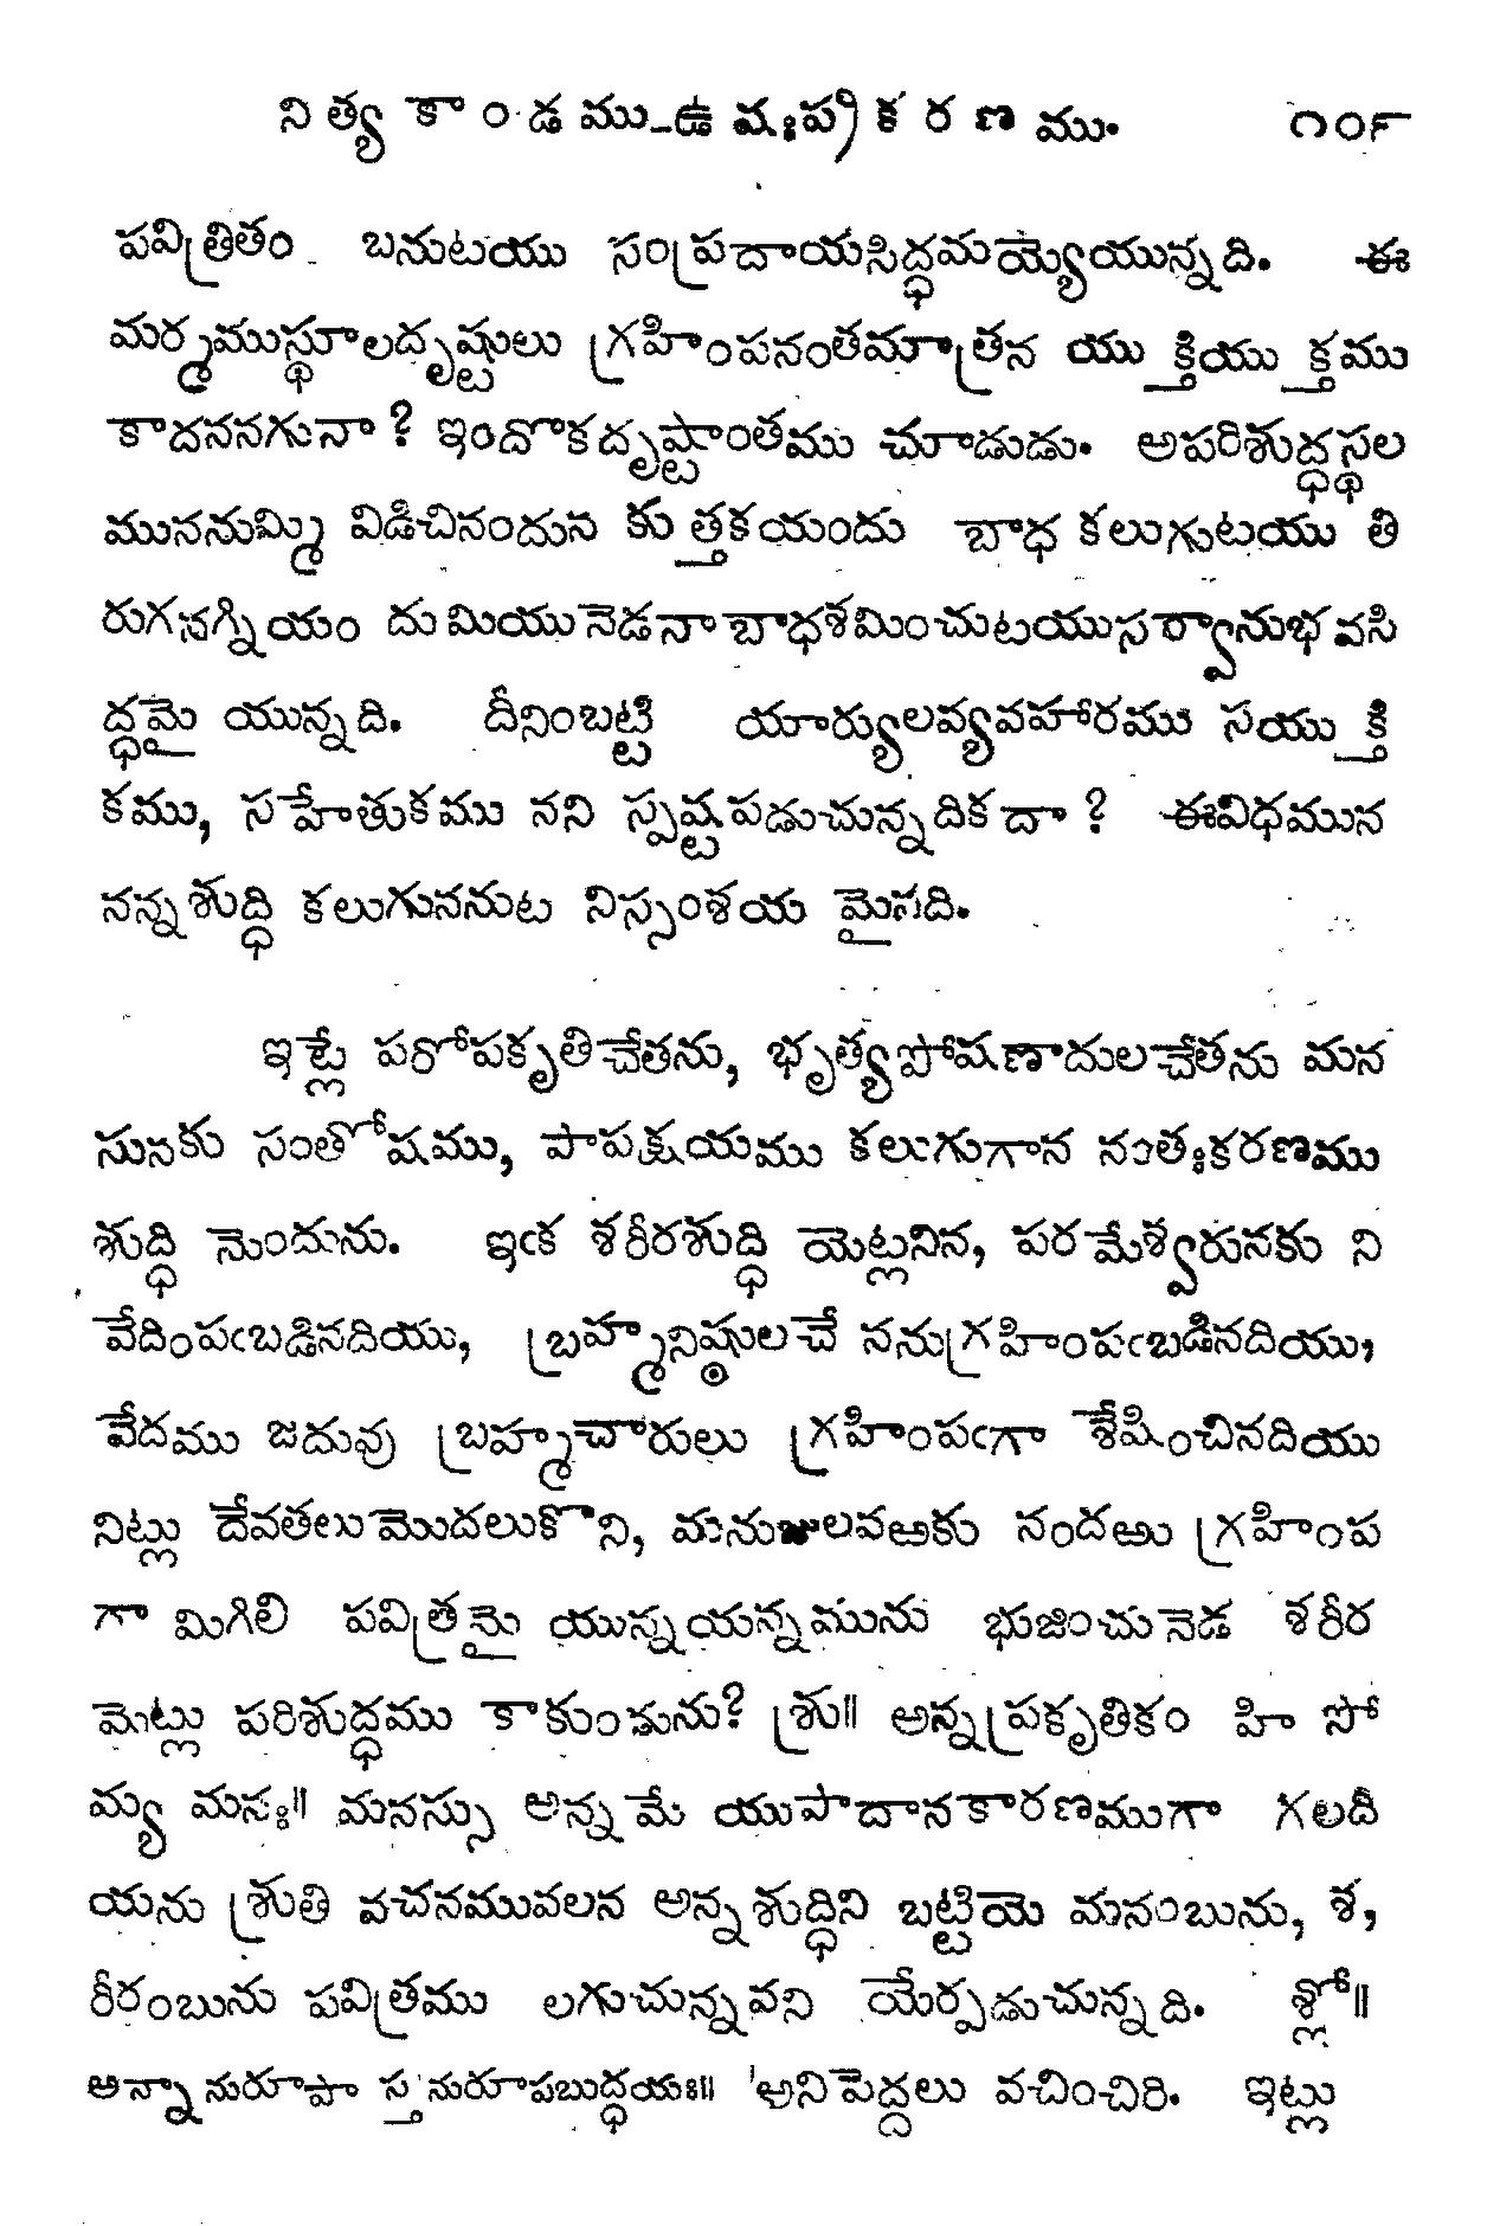పవిత్రితం బనుటయు సంప్రదాయసిద్ధమయ్యెయున్నది. ఈమర్మముస్థూలదృష్టులు గ్రహింపనంతమాత్రన యుక్తియుక్తము కాదననగునా? ఇందొకదృష్టాంతము చూడుడు. అపరిశుద్ధస్థలముననుమ్మి విడిచినందున కుత్తకయందు బాధకలుగుటయు తిరుగనగ్నియం దుమియునెడనాబాధశమించుటయు సర్వానుభవసిద్ధమై యున్నది. దీనింబట్టి యార్యులవ్యవహారము సయుక్తికము, సహేతుకము నని స్పష్టపడుచున్నదికదా? ఈవిధమున నన్నశుద్ధి కలుగుననుట నిస్సంశయ మైనది.

ఇట్లే పరోపకృతిచేతను, భృత్యపోషణాదులచేతను మనసునకు సంతోషము, పాపక్షయము కలుగుగాన నంతఃకరణముశుద్ధి నొందును. ఇఁక శరీరశుద్ధి యెట్లనిన, పరమేశ్వరునకు నివేదింపఁబడినదియు, బ్రహ్మనిష్ఠులచే ననుగ్రహింపఁబడినదియు, వేదము జదువు బ్రహ్మచారులు గ్రహింపఁగా శేషించినదియు నిట్లు దేవతలుమొదలుకొని, మనుజులవఱకు నందఱు గ్రహింపగా మిగిలి పవిత్రమై యున్నయన్నమును భుజించునెడ శరీరమెట్లు పరిశుద్ధము కాకుండును? శ్రు॥ అన్నప్రకృతికం హి సోమ్య మనః॥ మనస్సు అన్నమే యుపాదానకారణముగా గలది యను శ్రుతి వచనమువలన అన్నశుద్ధిని బట్టియె మనంబును, శరీరంబును పవిత్రము లగుచున్నవని యేర్పడుచున్నది. శ్లో॥ అన్నానురూపా స్తనురూపబుద్ధయః॥ అనిపెద్దలు వచించిరి. ఇట్లు